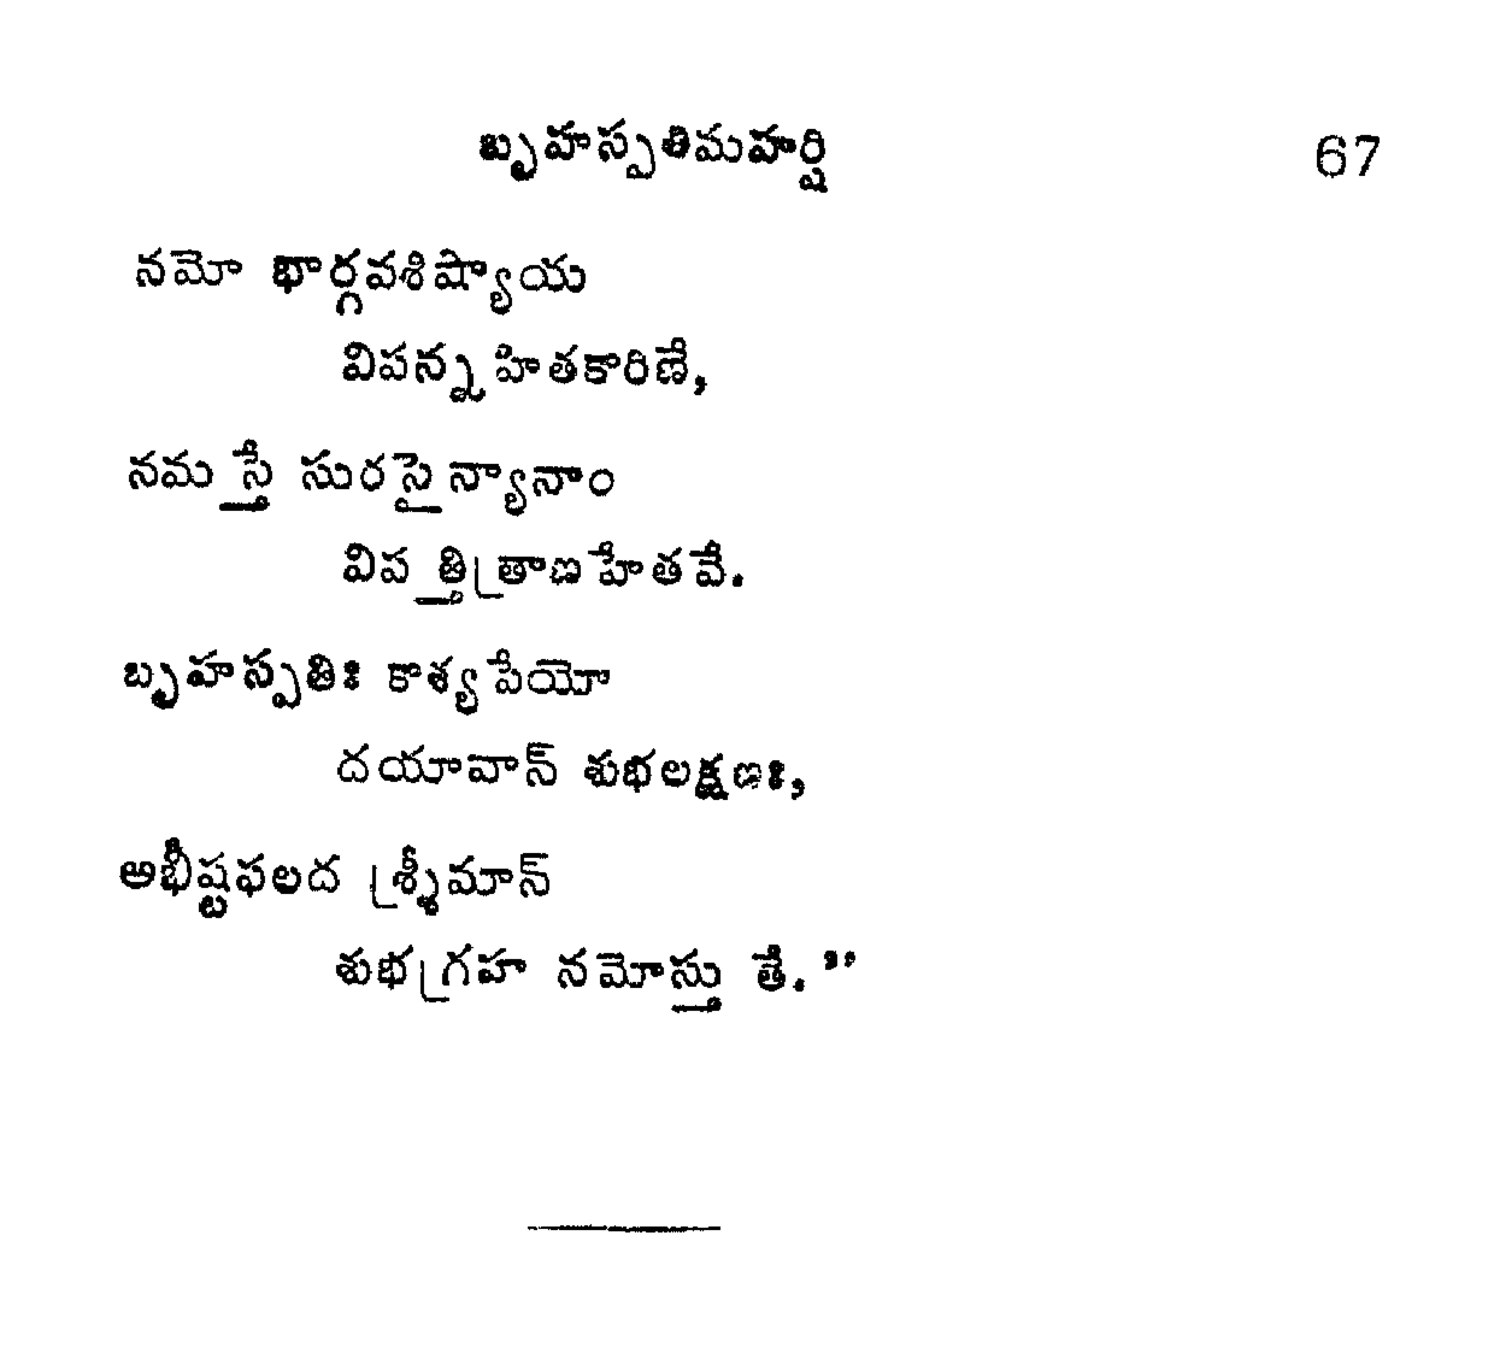నమో భార్గవశిష్యాయ
 విపన్నహితకారిణే, 
 నమస్తే సుర సైన్యానాం
 విపత్తి త్రాణ హేతవే. 
 బృహస్పతిః కాశ్యపేయో
 దయావాన్ శుభలక్షణ, 
 అభీష్టఫలద శ్రీమాన్
 శుభగ్రహ నమోస్తు తే."